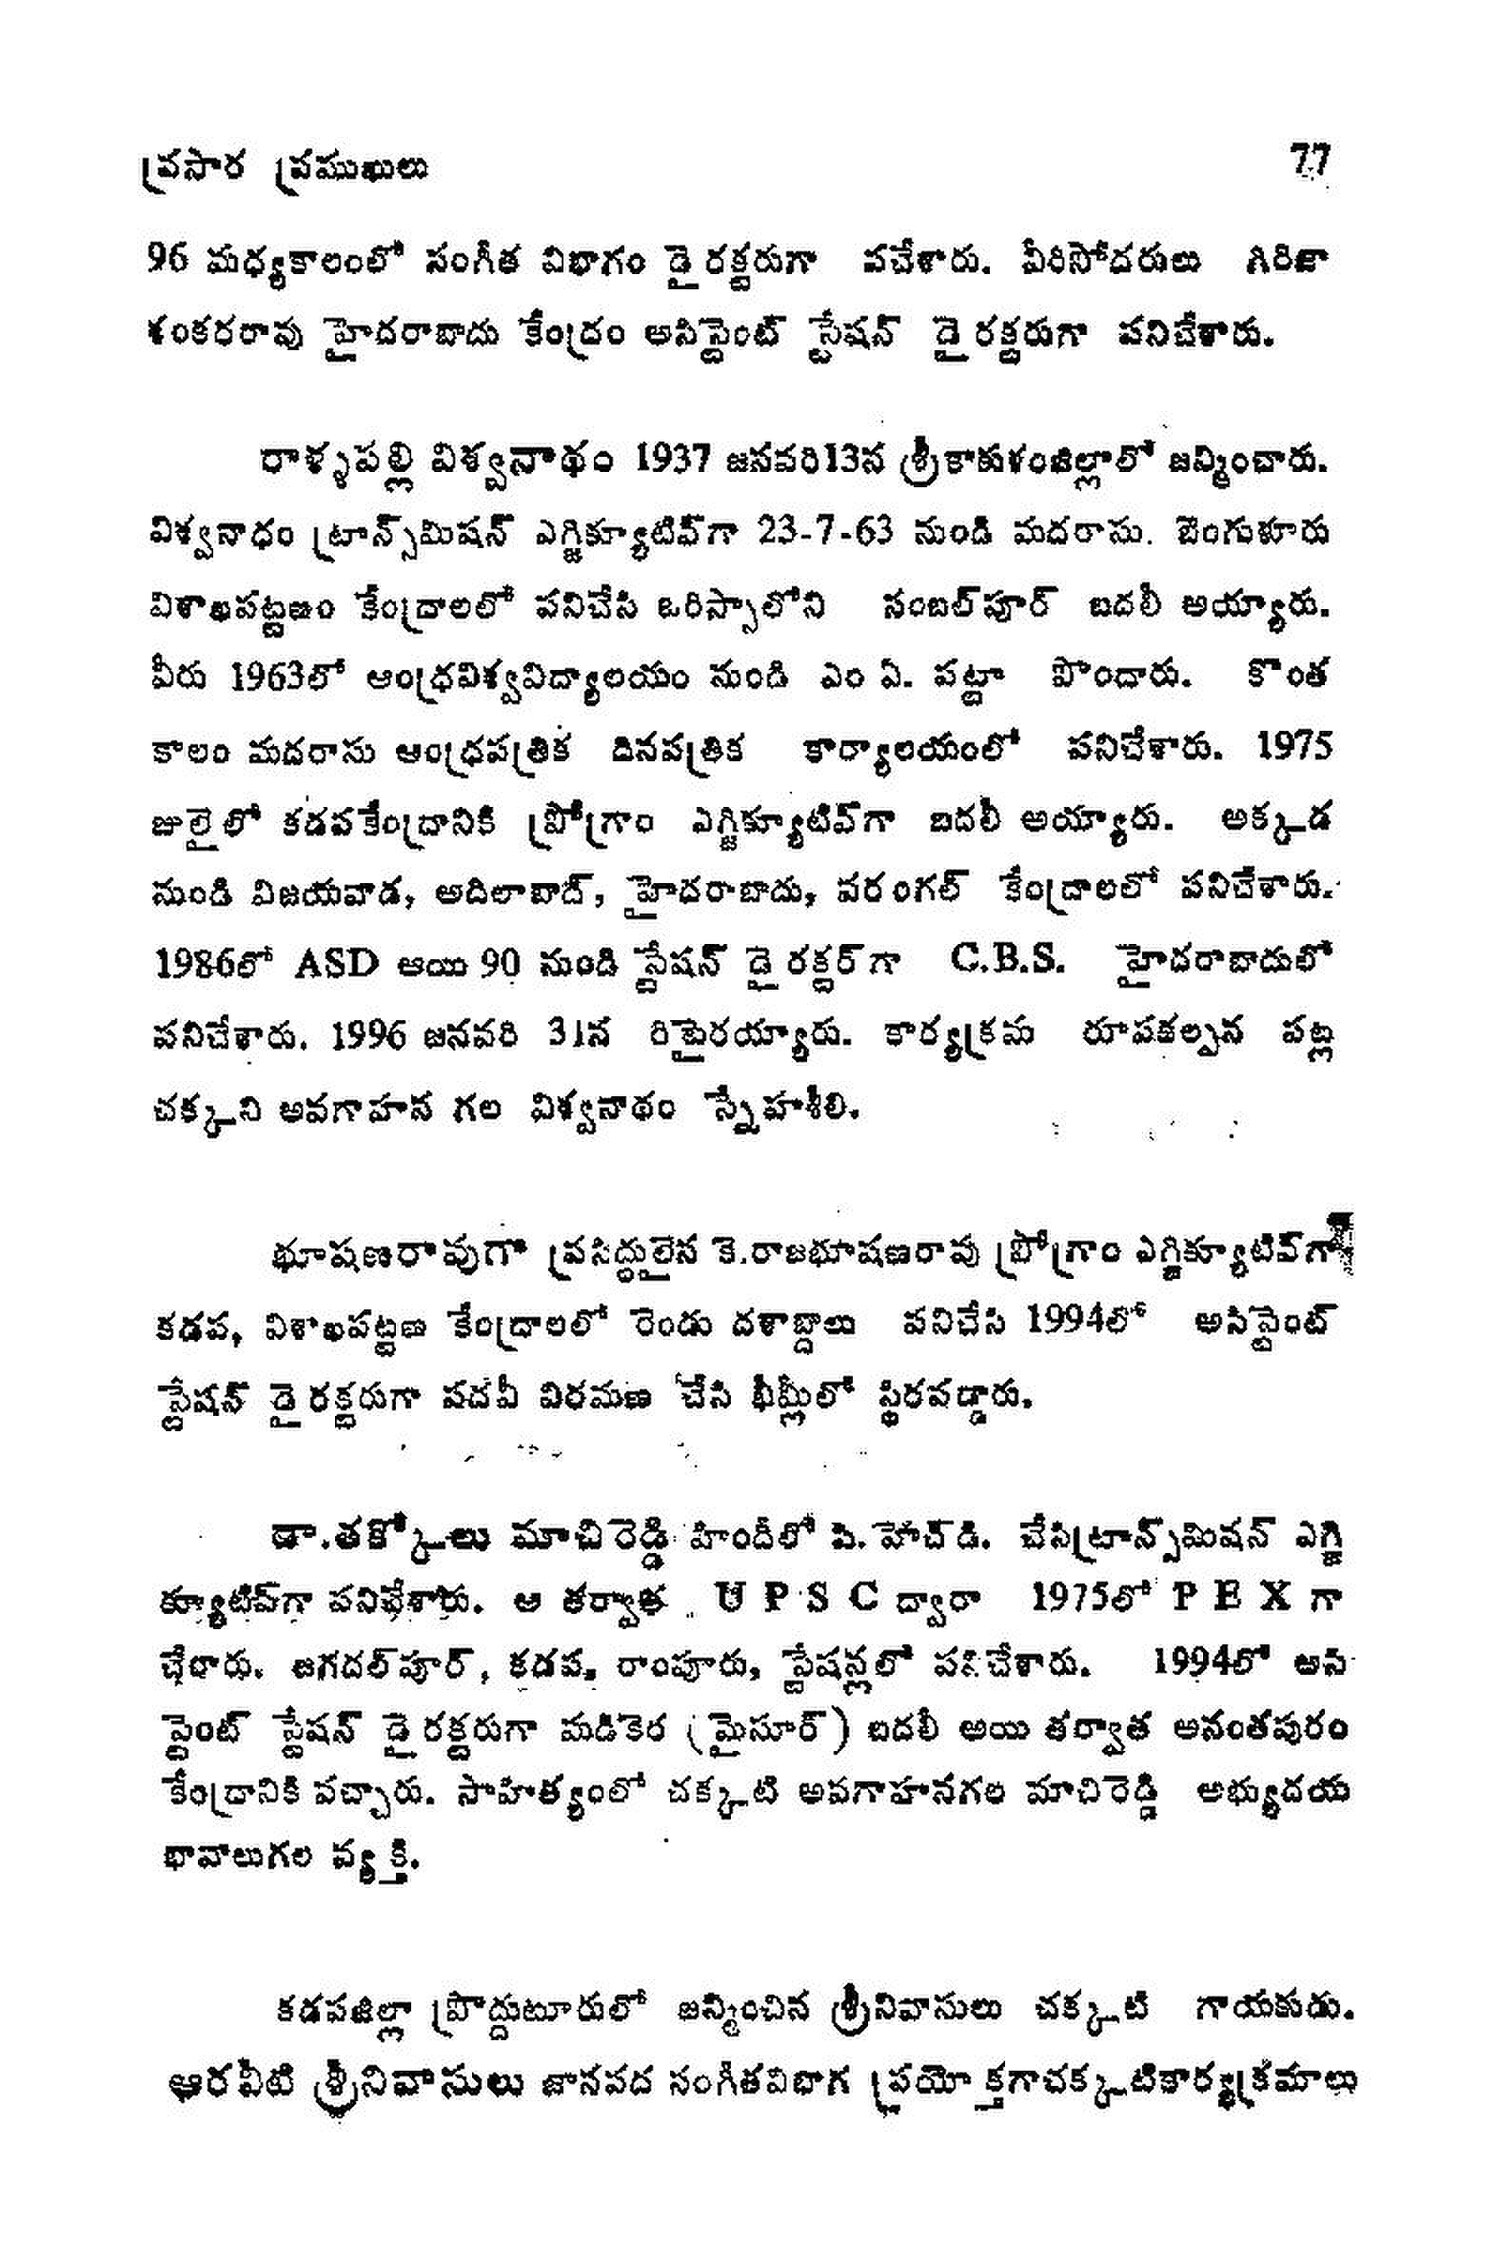96 మధ్యకాలంలో సంగీత విభాగం డైరక్టరుగా పనిచేశారు. వీరి సోదరులు గిరిజా శంకరరావు హైదరాబాదు కేంద్రం అసిస్టెంట్ స్టేషన్ డైరక్టరుగా పనిచేశారు.

రాళ్ళపల్లి విశ్వనాథం 1937 జనవరి 13న శ్రీకాకుళం జిల్లాలో జన్మించారు. విశ్వనాథం ట్రాన్స్‌మిషన్ ఎగ్జిక్యూటివ్‌గా 23-7-63 నుండి మదరాసు, బెంగుళూరు, విశాఖపట్టణం కేంద్రాలలో పనిచేసి ఒరిస్సాలోని సంబల్‌పూర్ బదలీ అయ్యారు. వీరు 1963లో ఆంధ్ర విశ్వవిద్యాలయం నుండి ఎం.ఏ. పట్టా పొందారు. కొంతకాలం మదరాసు ఆంధ్రపత్రిక దినపత్రిక కార్యాలయంలో పనిచేశారు. 1975 జూలైలో కడప కేంద్రానికీ ప్రోగ్రాం ఎగ్జిక్యూటివ్‌గా బదలీ అయ్యారు. అక్కడ నుండి విజయవాడ, అదిలాబాద్, హైదరాబాదు, వరంగల్ కేంద్రాలలో పనిచేశారు. 1986లో ASD అయి 90 నుండి స్టేషన్ డైరక్టర్‌గా C.B.S. హైదరాబాదులో పనిచేశారు. 1996 జనవరి 31న రిటైరయ్యారు. కార్యక్రమ రూపకల్పన పట్ల చక్కని అవగాహన గల విశ్వనాథం స్నేహశీలి.

భూషణరావుగా ప్రసిద్ధులైన కె. రాజభూషణరావు ప్రోగ్రాం ఎగ్జిక్యూటివ్‌గా కడప, విశాఖపట్టణ కేంద్రాలలో రెండు దశాబ్దాలు పనిచేసి 1994లో అసిస్టెంట్ స్టేషన్ డైరక్టరుగా పదవీ విరమణ చేసి భీమ్లీలో స్థిరపడ్డారు.

డా. తక్కోలు మాచిరెడ్డి హిందీలో పి.హెచ్ డి. చేసి ట్రాన్సుమిషన్ ఎగ్జిక్యూటివ్ గా పనిచేశారు. ఆ తర్వార U.P.S.C. ద్వారా 1975లో P.B.X గా చేరారు. జగదల్‌పూర్, కడప, రాంపూరు, స్టేషన్లలో పనిచేశారు. 1994లో అసిస్టెంట్ స్టేషన్ డైరక్టరుగా మడికెర (మైసూర్) బదలీ అయి తర్వాత అనంతపురం కేంద్రానికి వచ్చారు. సాహిత్యంలో చక్కటి అవగాహనగల మాచిరెడ్డి అభ్యుదయ భావాలు గల వ్యక్తి.

కడపజిల్లా ప్రొద్దుటూరులో జన్మించిన శ్రీనివాసులు చక్కటి గాయకుడు. అరవీటి శ్రీనివాసులు జానపద సంగీతవిభాగ ప్రయోక్తగా చక్కటి కార్యక్రమాలు